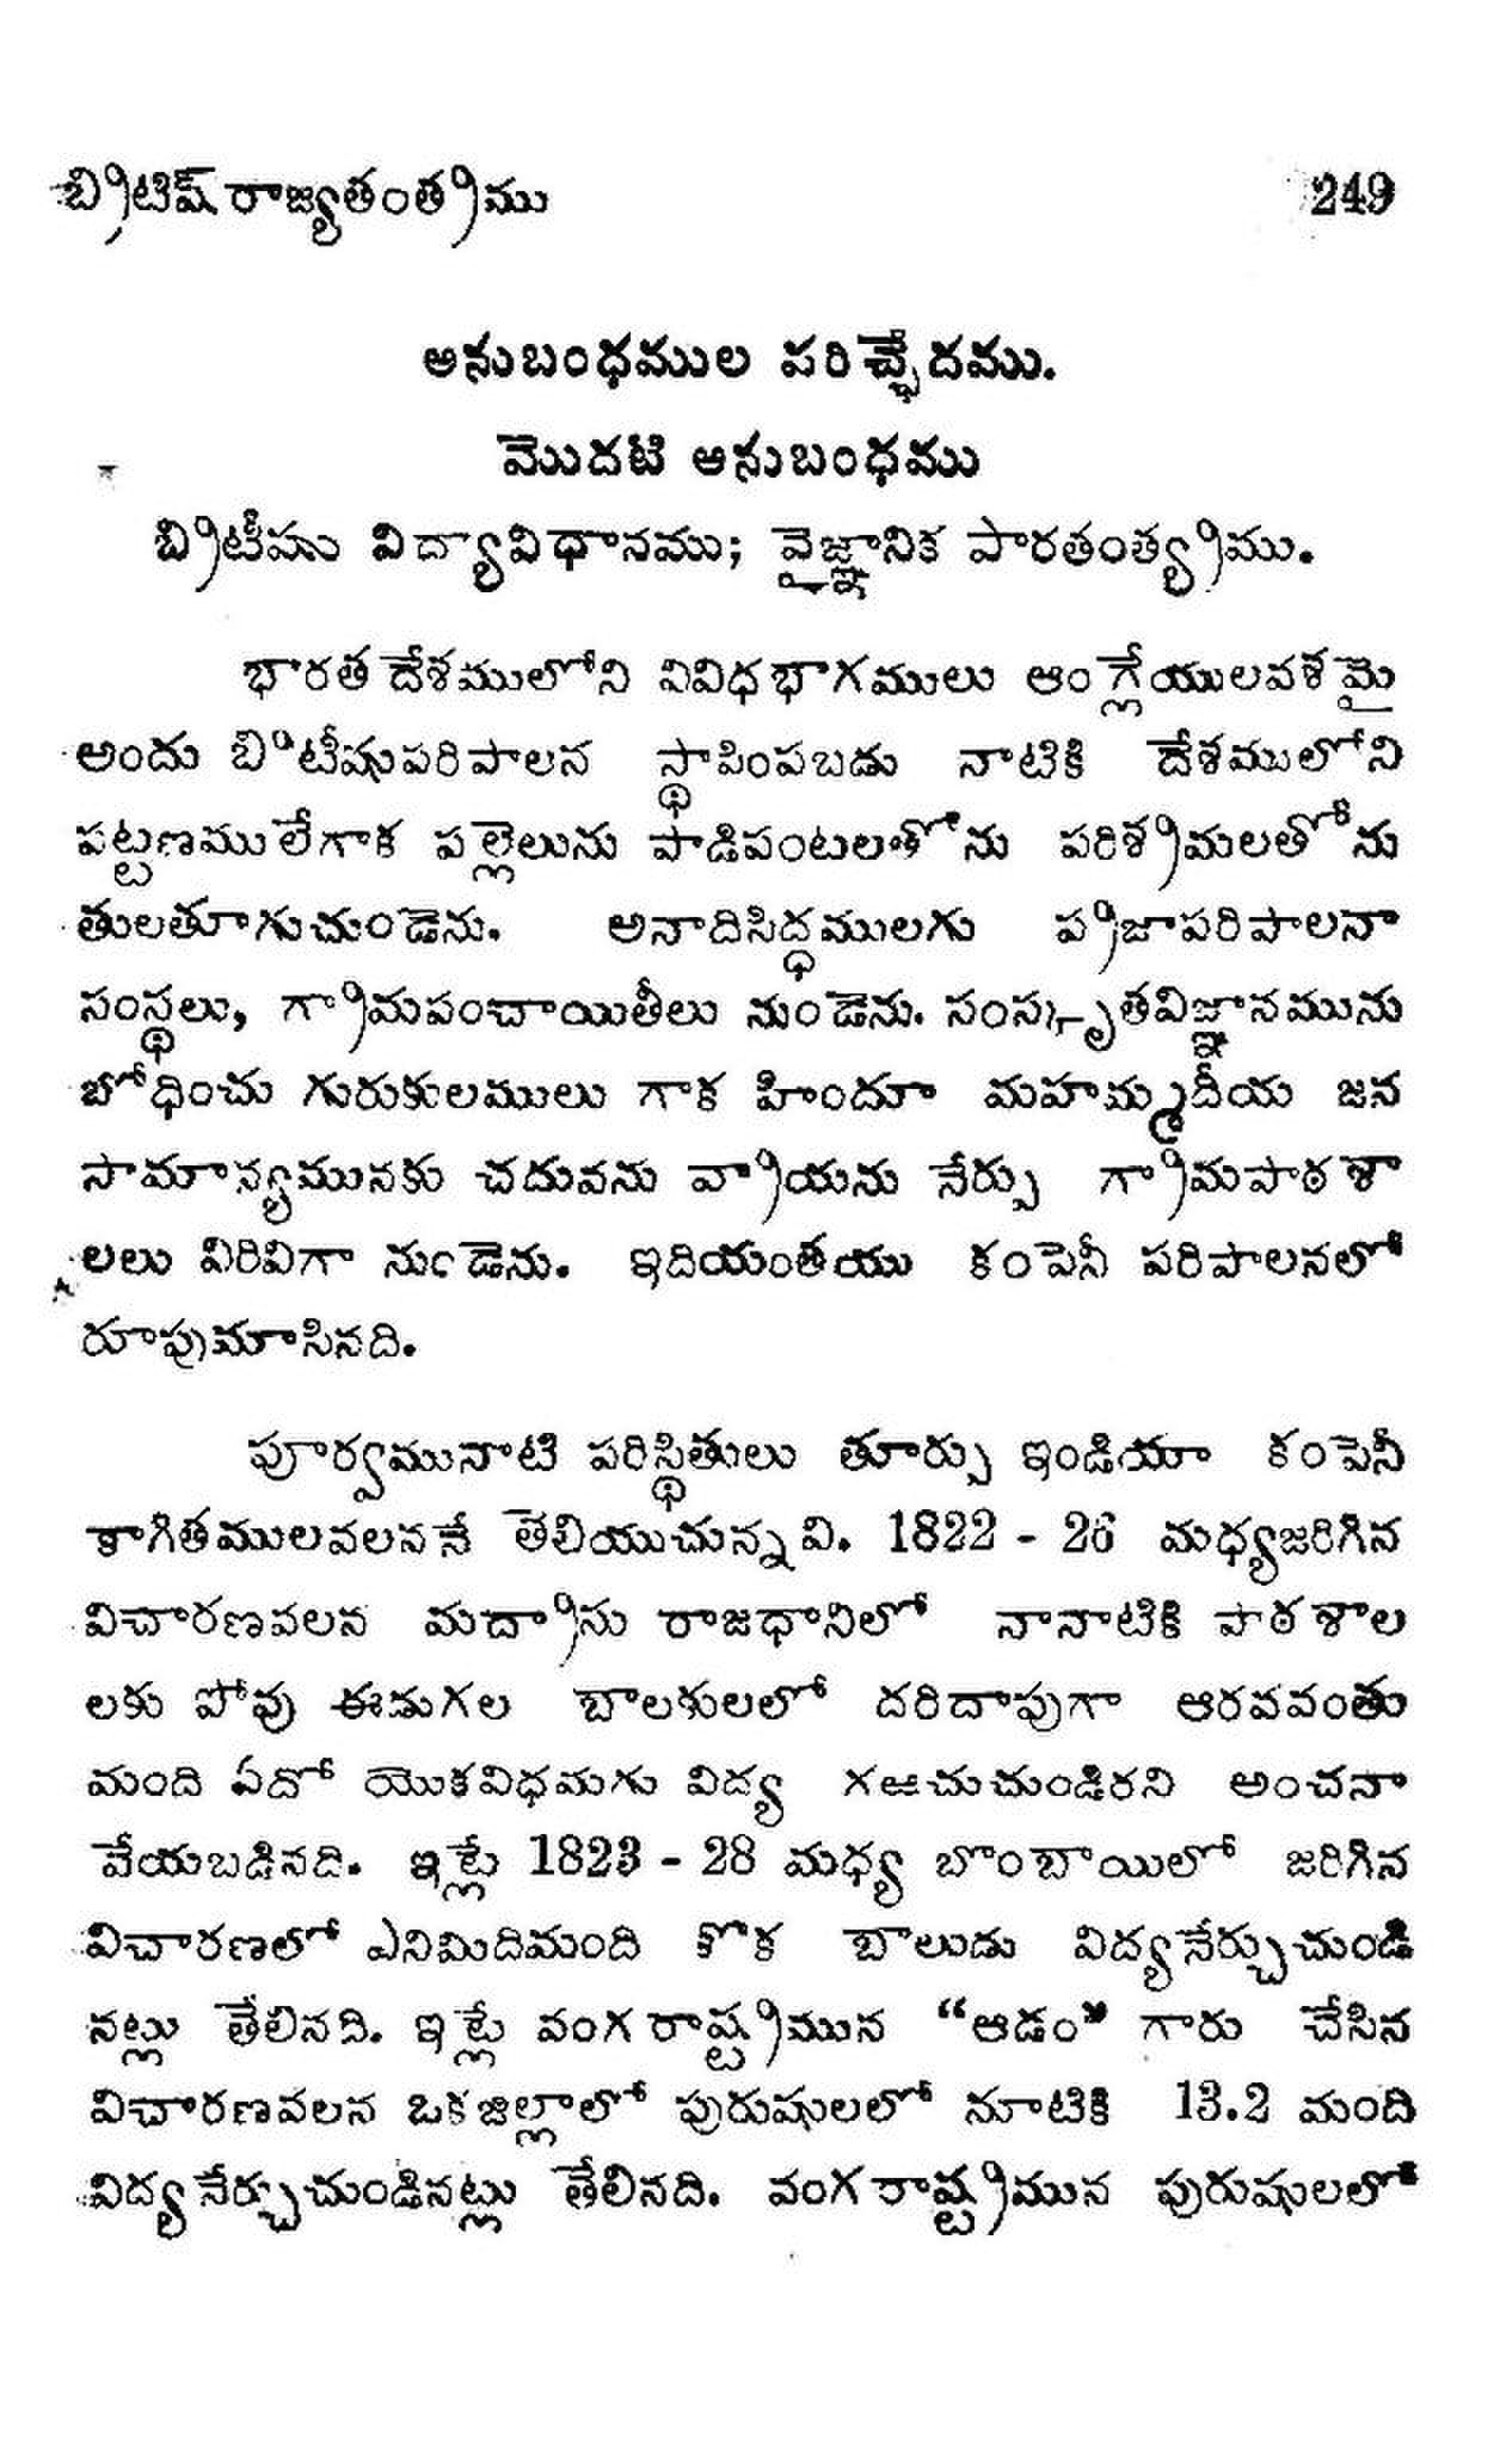అనుబంధముల పరిచ్ఛేదము.
మొదటి అనుబంధము 
బ్రిటీషు విద్యావిధానము; వైజ్ఞానిక పారతంత్య్రము.

భారతదేశములోని వివిధభాగములు ఆంగ్లేయులవశమై అందు బ్రిటీషుపరిపాలన స్థాపింపబడు నాటికి దేశములోని పట్టణములేగాక పల్లెలును పాడిపంటలతోను పరిశ్రమలతోను తులతూగుచుండెను. అనాదిసిద్ధములగు ప్రజాపరిపాలనా సంస్థలు, గ్రామపంచాయితీలు నుండెను. సంస్కృతవిజ్ఞానమును బోధించు గురుకులములు గాక హిందూ మహమ్మదీయ జన సామాన్యమునకు చదువను వ్రాయను నేర్పు గ్రామపాఠశాలలు విరివిగా నుండెను. ఇదియంతయు కంపెనీ పరిపాలనలో రూపుమాసినది.

పూర్వమునాటి పరిస్థితులు తూర్పు ఇండియా కంపెనీ కాగితములవలననే తెలియుచున్నవి. 1822 - 26 మధ్యజరిగిన విచారణవలన మద్రాసు రాజధానిలో నానాటికి పాఠశాలలకు పోవు ఈడుగల బాలకులలో దరిదాపుగా ఆరవవంతు మంది ఏదో యొకవిధమగు విద్య గఱచుచుండిరని అంచనా వేయబడినది. ఇట్లే 1823 - 28 మధ్య బొంబాయిలో జరిగిన విచారణలో ఎనిమిదిమంది కొక బాలుడు విద్యనేర్చుచుండినట్లు తేలినది. ఇట్లే వంగరాష్ట్రమున “ఆడం” గారు చేసిన విచారణవలన ఒకజిల్లాలో పురుషులలో నూటికి 13.2 మంది విద్యనేర్చుచుండినట్లు తేలినది. వంగరాష్ట్రమున పురుషులలో